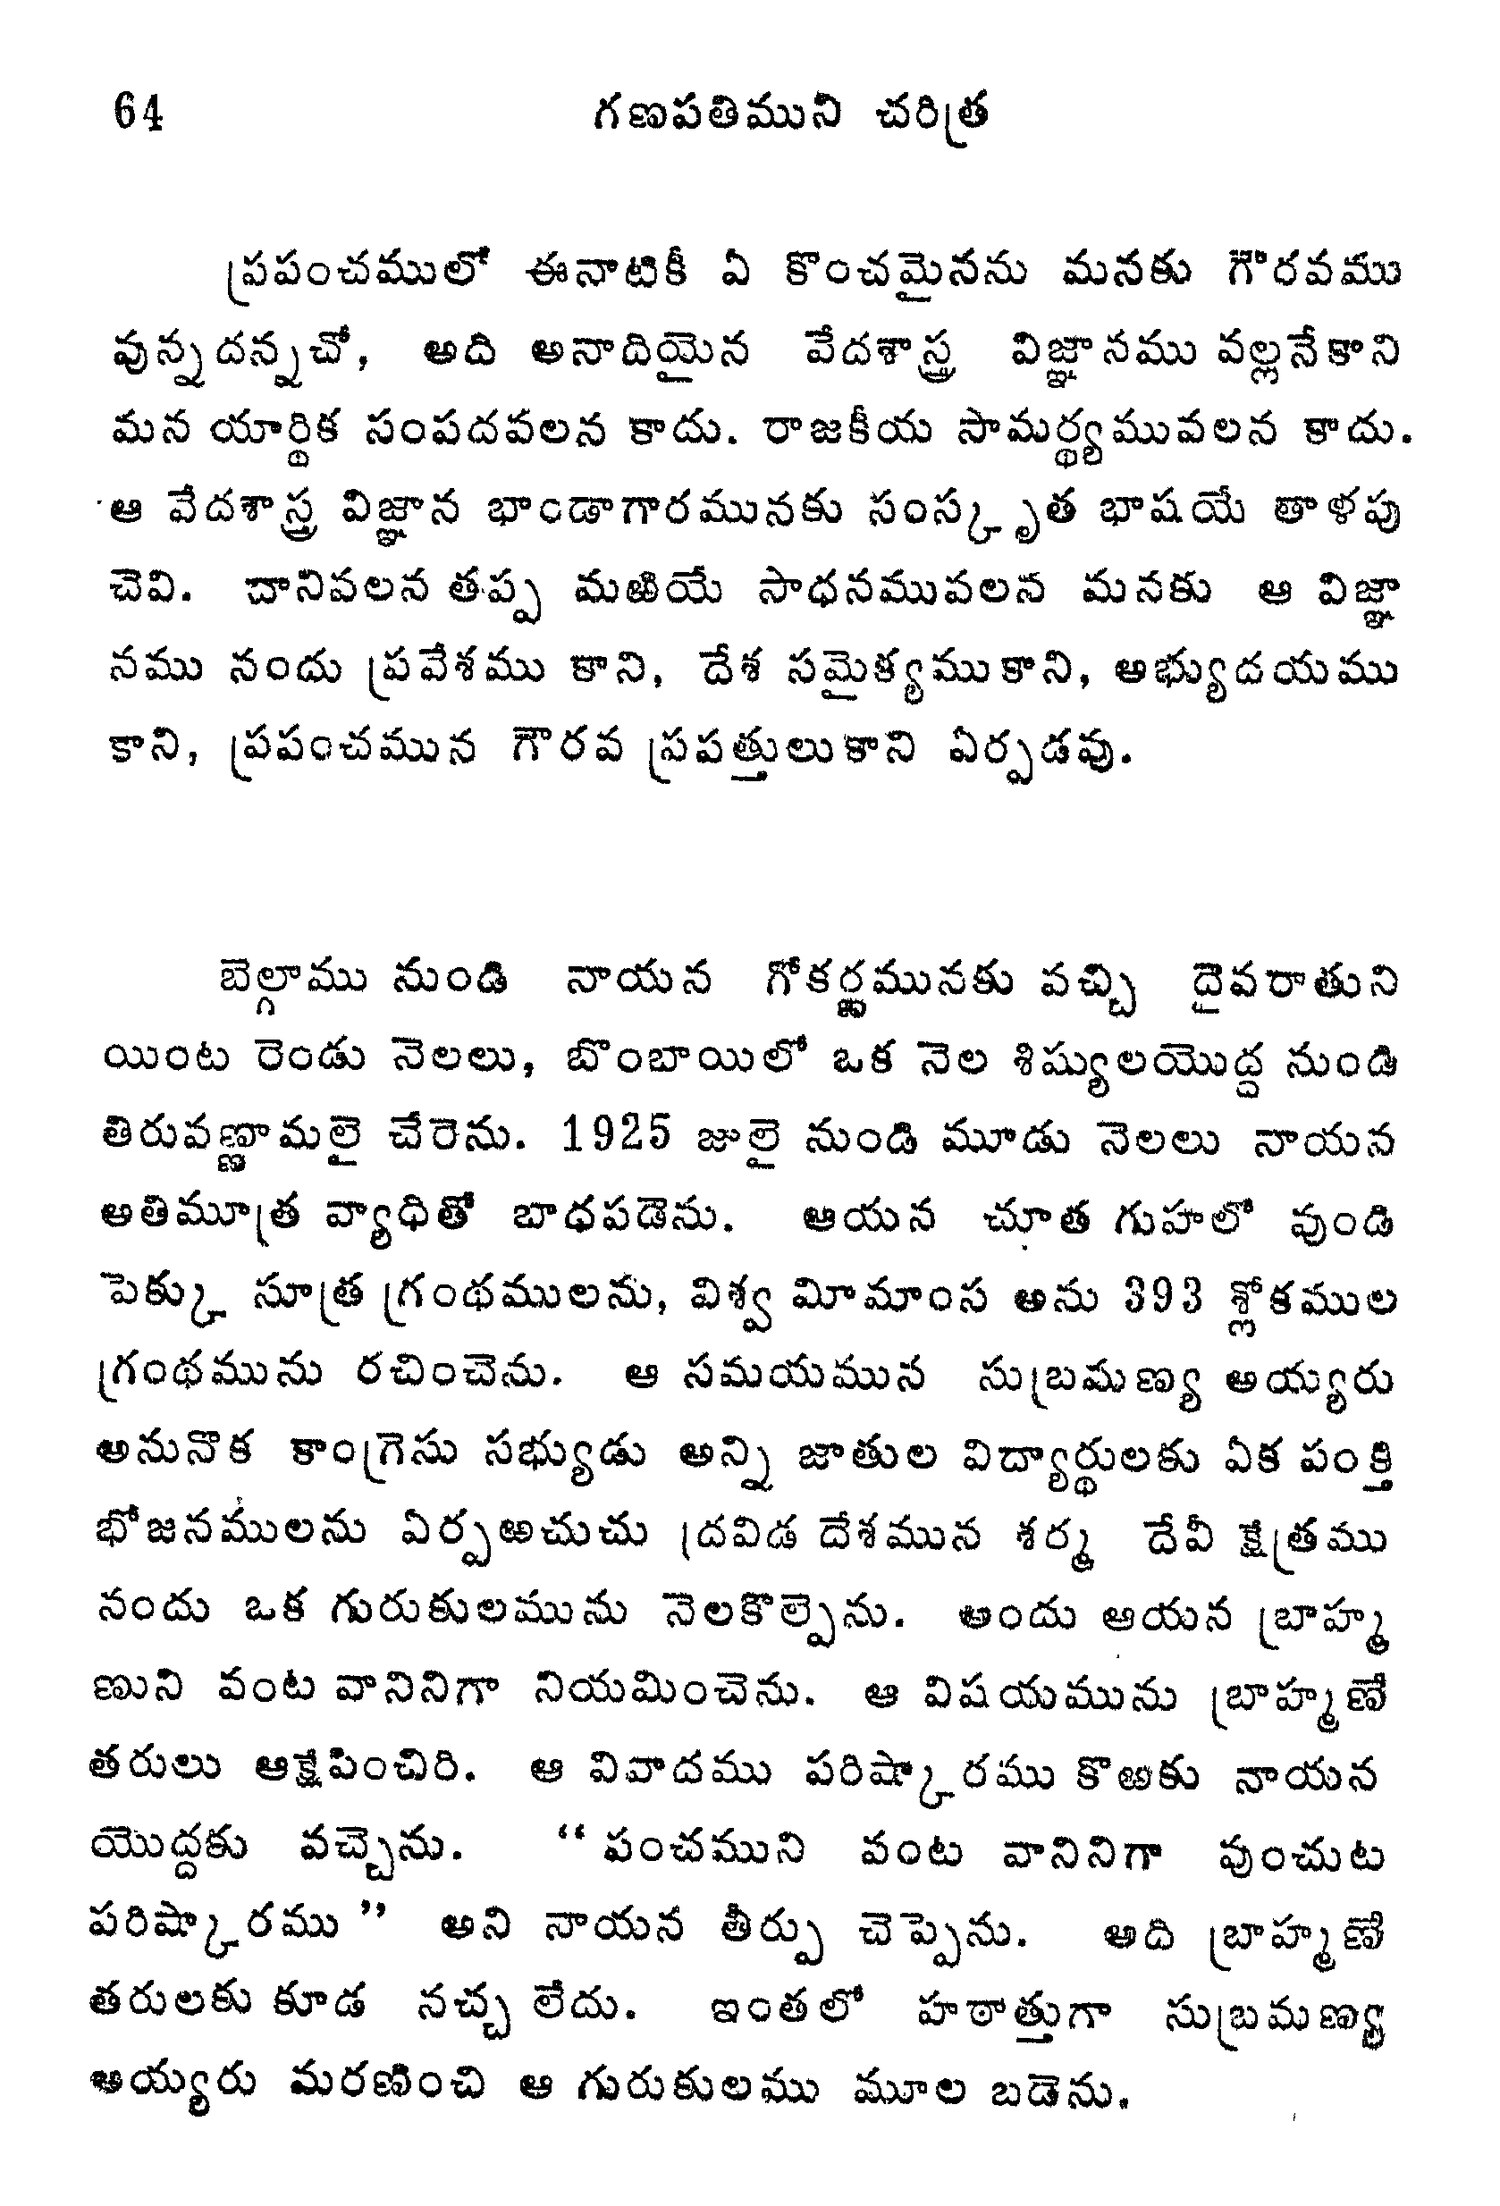ప్రపంచములో ఈనాటికి ఏ కొంచమైనను మనకు గౌరవము వున్నదన్నచో, అది అనాదియైన వేదశాస్త్ర విజ్ఞానము వల్లనేకాని మన యార్థిక సంపదవలన కాదు. రాజకీయ సామర్థ్యమువలన కాదు. ఆ వేదశాస్త్ర విజ్ఞాన భాండాగారమునకు సంస్కృత భాషయే తాళపు చెవి. దానివలన తప్ప మఱియే సాధనమువలన మనకు ఆ విజ్ఞానము నందు ప్రవేశము కాని, దేశ సమైక్యముకాని, అభ్యుదయము కాని, ప్రపంచమున గౌరవ ప్రపత్తులుకాని ఏర్పడవు.

బెల్గాము నుండి నాయన గోకర్ణమునకు వచ్చి దైవరాతుని యింట రెండు నెలలు, బొంబాయిలో ఒక నెల శిష్యులయొద్ద నుండి తిరువణ్ణామలై చేరెను. 1925 జూలై నుండి మూడు నెలలు నాయన అతిమూత్ర వ్యాధితో బాధపడెను. ఆయన చూత గుహలో వుండి పెక్కు సూత్ర గ్రంథములను, విశ్వ మీమాంస అను 393 శ్లోకముల గ్రంథమును రచించెను. ఆ సమయమున సుబ్రమణ్య అయ్యరు అనునొక కాంగ్రెసు సభ్యుడు అన్ని జాతుల విద్యార్థులకు ఏక పంక్తి భోజనములను ఏర్పఱచుచు ద్రవిడ దేశమున శర్మ దేవీ క్షేత్రము నందు ఒక గురుకులమును నెలకొల్పెను. అందు ఆయన బ్రాహ్మణుని వంట వానినిగా నియమించెను. ఆ విషయమును బ్రాహ్మణేతరులు ఆక్షేపించిరి. ఆ వివాదము పరిష్కారము కొఱకు నాయన యొద్దకు వచ్చెను. "పంచముని వంట వానినిగా వుంచుట పరిష్కారము" అని నాయన తీర్పు చెప్పెను. అది బ్రాహ్మణేతరులకు కూడ నచ్చలేదు. ఇంతలో హఠాత్తుగా సుబ్రమణ్య అయ్యరు మరణించి ఆ గురుకులము మూల బడెను.